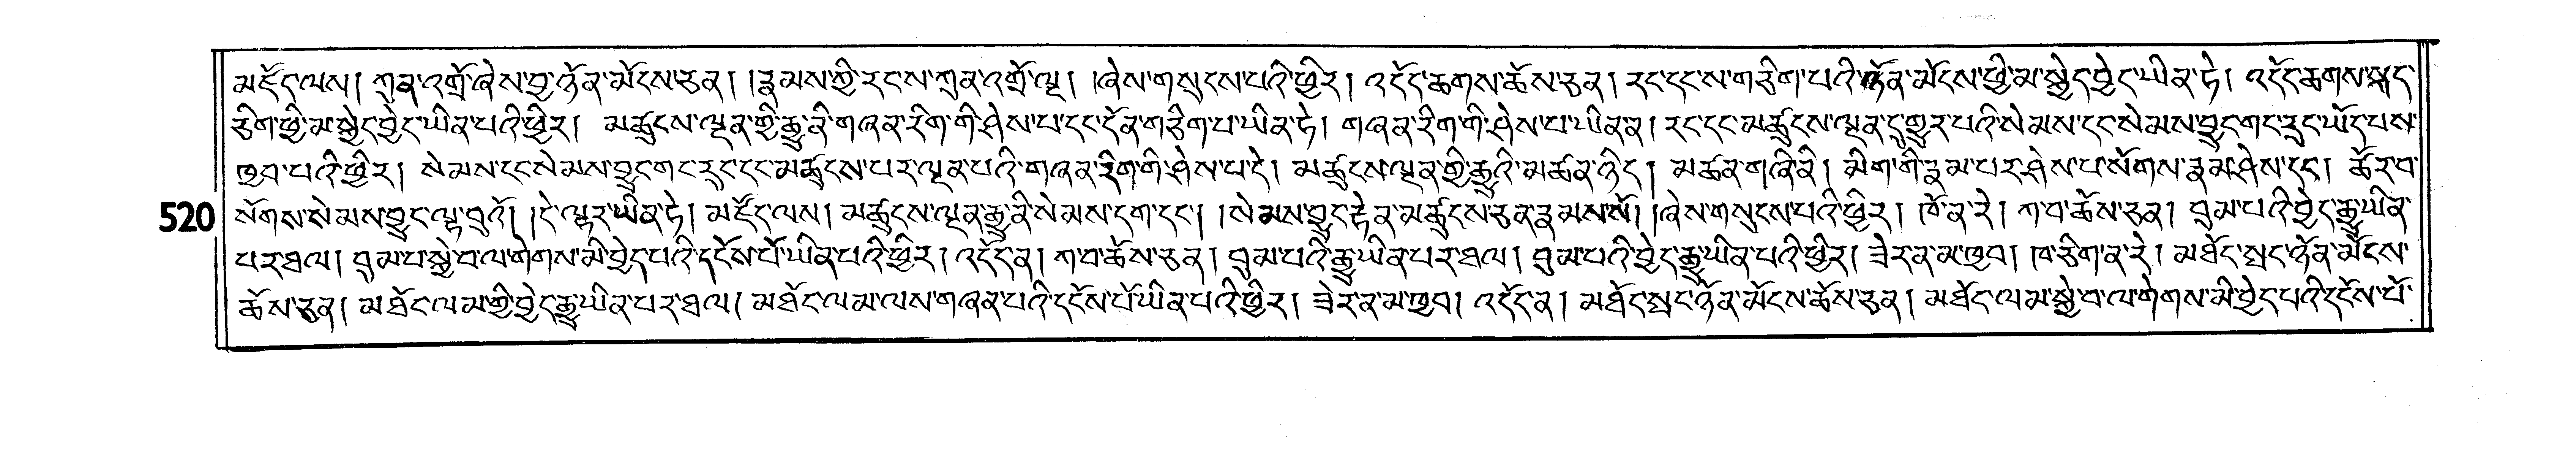མཛོད་ལས། ཀུན་འགྲོ་ཞེས་བྱ་ཉོན་མོངས་ཅན། །རྣམས་ཀྱི་རང་ས་ཀུན་འགྲོ་ལྔ། །ཞེས་གསུངས་པའི་ཕྱིར། འདོད་ཆགས་ཆོས་ཅན། རང་དང་ས་གཅིག་པའི་ཉོན་མོངས་ཕྱི་མ་སྐྱེད་བྱེད་ཡིན་ཏེ། འདོད་ཆགས་སྐད་
ཅིག་ཕྱི་མ་སྐྱེད་བྱེད་ཡིན་པའི་ཕྱིར། མཚུངས་ལྡན་གྱི་རྒྱུ་ནི་གཞན་རིག་གི་ཤེས་པ་དང་དོན་གཅིག་པ་ཡིན་ཏེ། གཞན་རིག་གི་ཤེས་པ་ཡིན་ན། རང་དང་མཚུངས་ལྡན་དུ་གྱུར་པའི་སེམས་དང་སེམས་བྱུང་གང་རུང་ཡོད་པས་
ཁྱབ་པའི་ཕྱིར། སེམས་དང་སེམས་བྱུང་གང་རུང་དང་མཚུངས་པར་ལྡན་པའི་གཞན་རིག་གི་ཤེས་པ་དེ། མཚུངས་ལྡན་གྱི་རྒྱུའི་མཚན་ཉིད། མཚན་གཞི་ནི། མིག་གི་རྣམ་པར་ཤེས་པ་སོགས་རྣམ་ཤེས་དང་། ཚོར་བ་
སོགས་སེམས་བྱུང་ལྟ་བུའོ། །དེ་ལྟར་ཡིན་ཏེ། མཛོད་ལས། མཚུངས་ལྡན་རྒྱུ་ནི་སེམས་དག་དང་། །སེམས་བྱུང་རྟེན་མཚུངས་ཅན་རྣམས་སོ། །ཞེས་གསུངས་པའི་ཕྱིར། ཁོ་ན་རེ། ཀ་བ་ཆོས་ཅན། བུམ་པའི་བྱེད་རྒྱུ་ཡིན་
པར་ཐལ། བུམ་པ་སྐྱེ་བ་ལ་གེགས་མི་བྱེད་པའི་དངོས་པོ་ཡིན་པའི་ཕྱིར། འདོད་ན། ཀ་བ་ཆོས་ཅན། བུམ་པའི་རྒྱུ་ཡིན་པར་ཐལ། བུམ་པའི་བྱེད་རྒྱུ་ཡིན་པའི་ཕྱིར། ཟེར་ན་མ་ཁྱབ། ཁ་ཅིག་ན་རེ། མཐོང་སྤང་ཉོན་མོངས་
ཆོས་ཅན། མཐོང་ལམ་གྱི་བྱེད་རྒྱུ་ཡིན་པར་ཐལ། མཐོང་ལམ་ལས་གཞན་པའི་དངོས་པོ་ཡིན་པའི་ཕྱིར། ཟེར་ན་མ་ཁྱབ། འདོད་ན། མཐོང་སྤང་ཉོན་མོངས་ཆོས་ཅན། མཐོང་ལམ་སྐྱེ་བ་ལ་གེགས་མི་བྱེད་པའི་དངོས་པོ་